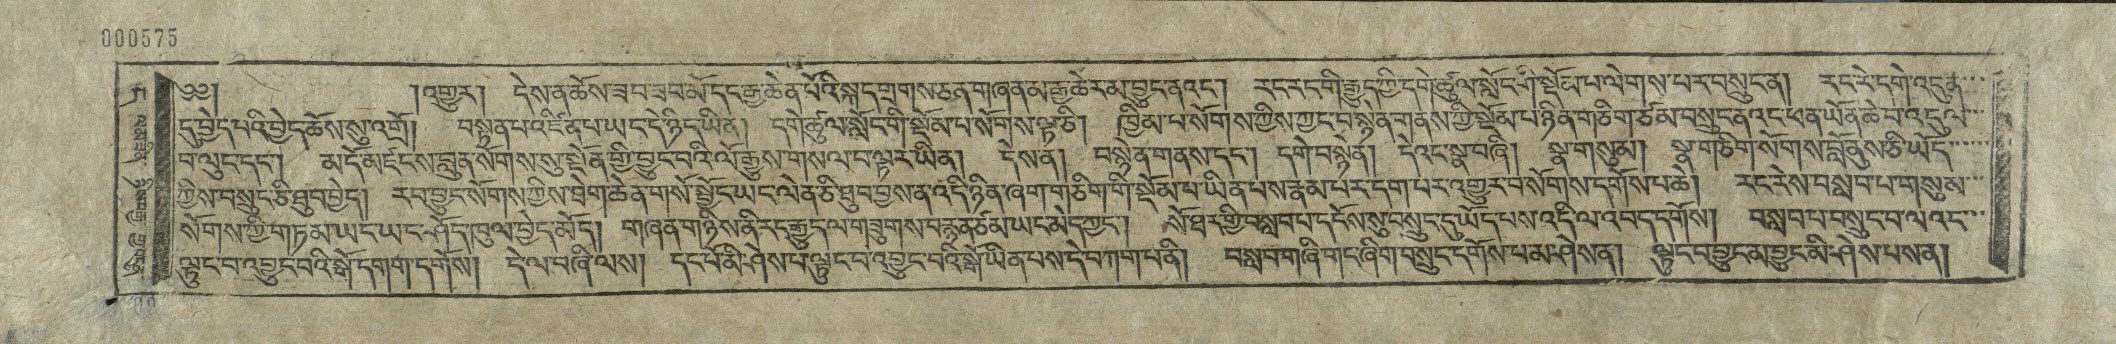༄༅། །འགྱུར། དེས་ན་ཆོས་ཟབ་ཟབ་མོ་དང་རྒྱ་ཆེན་པོའི་སྐད་གྲགས་ཅན་གཞན་མ་རྒྱ་ཆེར་མ་བྱུང་ནའང་། རང་རང་གི་རྒྱུད་ཀྱི་དགེ་ཚུལ་སློང་གི་སྡོམ་པ་ལེགས་པར་བསྲུང་ན། རང་རེ་དགེ་འདུན་
དུ་བྱེད་པའི་བྱེད་ཆོས་སུ་འགྲོ། བསྟན་པ་འཛིན་པ་ཡང་དེ་ཉིད་ཡིན། དགེ་ཚུལ་སློང་གི་སྡོམ་པ་སོགས་ལྟ་ཅི། ཁྱིམ་པ་སོགས་ཀྱིས་ཀྱང་བསྙེན་གནས་ཀྱི་སྡོམ་པ་ཉིན་གཅིག་ཙམ་བསྲུང་ནའང་ཕན་ཡོན་ཆེ་བ་འདུལ་
བ་ལུང་དང་། མདོ་མཛངས་བླུན་སོགས་སུ་སྔོན་གྱི་བྱུང་བའི་ལོ་རྒྱུས་གསལ་བ་ལྟར་ཡིན། དེས་ན། བསྙེན་གནས་དང་། དགེ་བསྙེན། དེའང་སྣ་བཞི། སྣ་གསུམ། སྣ་གཅིག་སོགས་བློ་ནུས་ཅི་ཡོད་
ཀྱིས་བསྲུང་ཅི་ཐུབ་བྱེད། རབ་བྱུང་སོགས་ཀྱིས་ཐེག་ཆེན་གསོ་སྦྱོང་ཡང་ལེན་ཅི་ཐུབ་བྱས་ན་འདི་ཉིན་ཞག་གཅིག་གི་སྡོམ་པ་ཡིན་པས་རྣམ་པར་དག་པར་འགྱུར་བ་སོགས་དགོས་པ་ཆེ། རང་རེས་བསླབ་པ་གསུམ་
སོགས་ཀྱི་གཏམ་ཡང་ཡང་ཤོད་ཁུལ་བྱེད་མོད། གཞན་གཉིས་ནི་རང་རྒྱུད་ལ་གཟུགས་བརྙན་ཙམ་ཡང་མེད་ཀྱང་། སོ་ཐར་གྱི་བསླབ་པ་དངོས་སུ་བསྲུང་དུ་ཡོད་པས་འདི་ལ་འབད་དགོས། བསླབ་པ་བསྲུང་བ་ལའང་
ལྟུང་བ་འབྱུང་བའི་སྒོ་དགག་དགོས། དེ་ལ་བཞི་ལས། དང་པོ་མི་ཤེས་པ་ལྟུང་བ་འབྱུང་བའི་སྒོ་ཡིན་པས་དེ་བཀག་པ་ནི། བསླབ་གཞི་གང་ཞིག་བསྲུང་དགོས་པ་མ་ཤེས་ན། ལྟུང་བ་བྱུང་མ་བྱུང་མི་ཤེས་པས་ན།